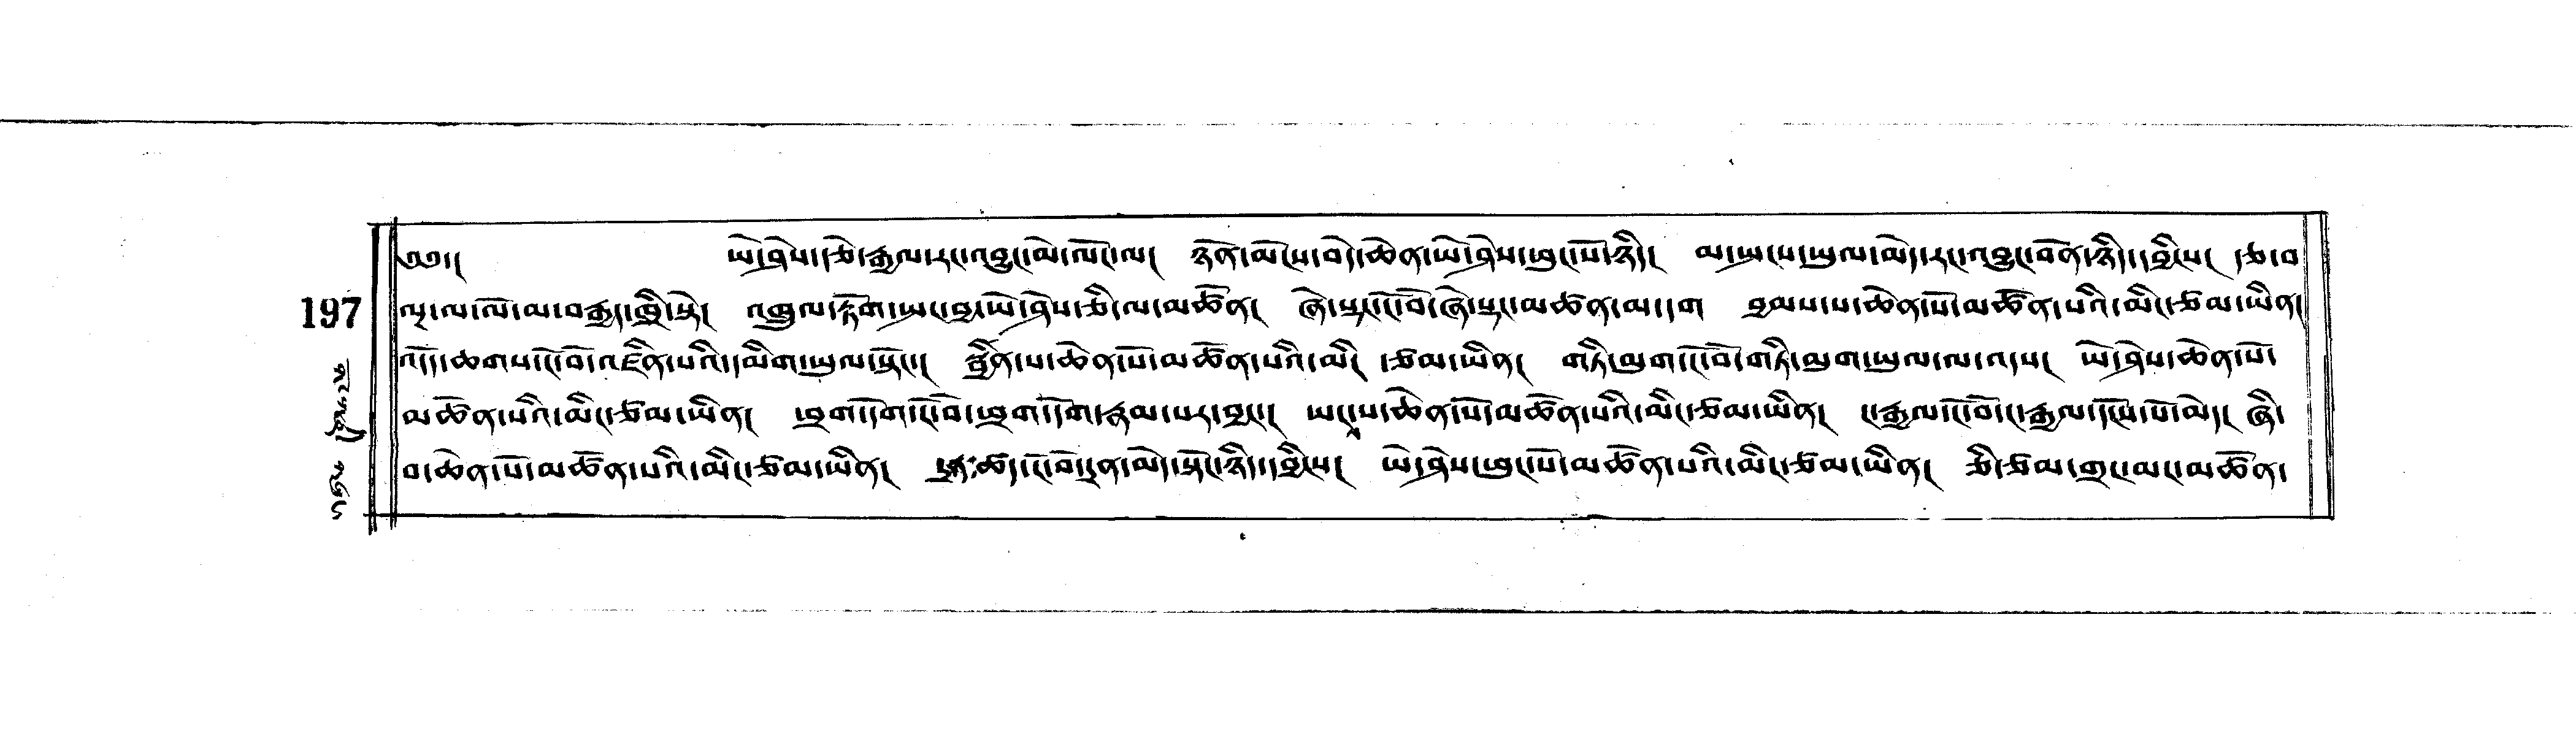ཡེ་ཤེས་རྩེ་རྒྱལ་རང་བྱུང་མེ་ལོང་ལ། ཉོན་མོངས་བདེ་ཆེན་ཡེ་ཤེས་ཕུང་པོ་ཉིད། མ་སྤངས་ཡུལ་མེད་རང་འབྱུང་བོན་ཉིད་དབྱིངས། རྩ་བ་
ལྔ་ལ་ལོ་མ་བརྒྱད་ཁྲི་སྟེ། འཁྲུལ་རྟོག་སྤང་བྱ་ཡེ་ཤེས་ཅི་ལ་མཚོན། ཞེ་སྡང་ངོ་བོ་ཞེ་སྡང་མཚན་མ་དག བྱམས་པ་ཆེན་པོ་མཚོན་པའི་མིང་ཙམ་ཡིན།
འདོད་ཆགས་ངོ་བོ་འཛིན་པའི་དམིགས་ཡུལ་སྟོང་། སྦྱིན་པ་ཆེན་པོ་མཚོན་པའི་མིང་ ཙམ་ཡིན། གཏི་མུག་ངོ་བོ་གཏི་མུག་ཡུལ་ལས་འདས། ཡེ་ཤེས་ཆེན་པོ་
མཚོན་པའི་མིང་ཙམ་ཡིན། ཕྲག་དོག་ངོ་བོ་ཕྲག་དོག་རྣམ་པར་བྱང་། ཡངས་པ་ཆེན་པོ་མཚོན་པའི་མིང་ཙམ་ཡིན། ང་རྒྱལ་ངོ་བོ་ང་རྒྱལ་དངོས་པོ་མེད། ཞི་
བ་ཆེན་པོ་མཚོན་པའི་མིང་ཙམ་ཡིན། དྲན་ཚད་ངོ་བོ་དྲན་སྟོང་སྟོང་ཉིད་དབྱིངས། ཡེ་ཤེས་ཕུང་པོ་མཚོན་པའི་མིང་ཙམ་ཡིན། ཅི་ཙམ་གྲངས་མང་མཚོན་